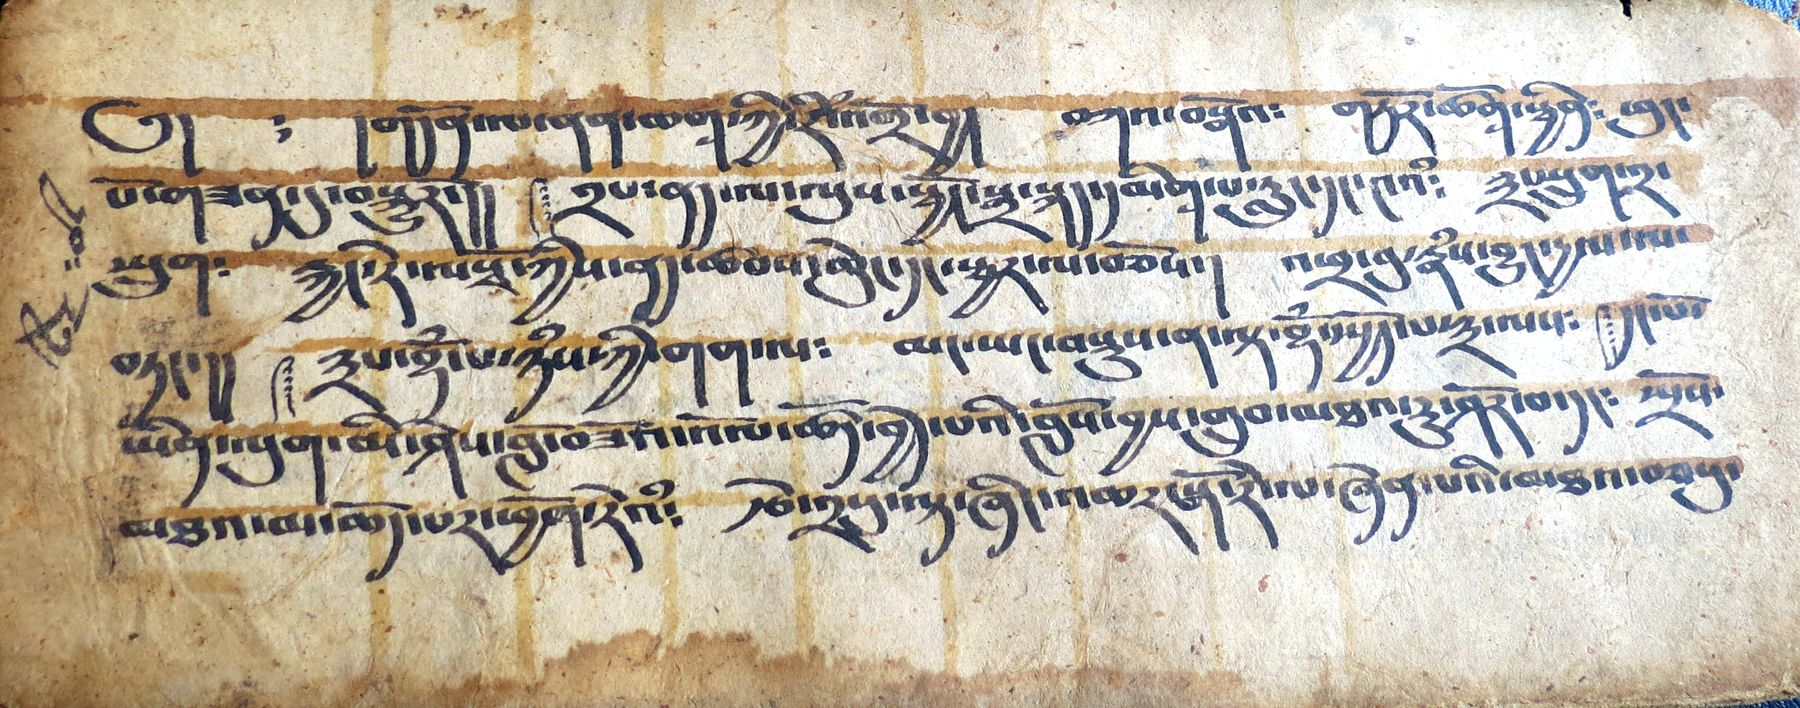གདོན་ལ་ལན་ཆགས་ཀྱི་རིམ་གྲོ་བྱ། བཀའ་བསྒོ་གཏོར་ཚོགས་སྦྱིན། ཕུང་
པོ་གཟན་དུ་སྐྱུར་རོ། ། གཉིས་པ་ནད་ལ་ལུས་སྦྱོང་སྒྲ་སྐད་དམིགས་པ། རླུང་དང་བཞི འམ། གསུམ་སྤྲུགས། གཉིས
་སྤྲུགས། རྐྱང་རེ་ལ་སོགས་ཀྱིས་ནད་ཚབ་ཆེ་ཆུང་དང་སྦྱར་ལ་བཅོས། འཕྲའུ་རྣམས་བྱུང་རྒྱལ་དུ་
བཏང་ངོ་། ། གསུམ་པ་སྒོམ་པ་ཉམས་ཀྱི་གགས་མང་ཡང་། བསྡུས་ན་ལྟ་སྒོམ་སྤྱོད་པ་གསུམ་ལ་འདུས། དང་པོ་
ཡིན་ལུགས་མི་ཤེས་བློ་བཟོ་འོལ་ཚོད་བྱས་པའི་བློ་བྱས་གྲུབ་མཐའ་རུ་ཤོར་བ་དང་། སྤྲོས་
པ་མཐའ་མ་ཆོད་པར་ཕྱོགས་རེའམ་རྩེ་གཉིས་སུ་ལྟ་ཞིང་འཆར་སྒོ་རེ་ལ་ཞེན་པའི་མཐའ་བཅས་སུ་